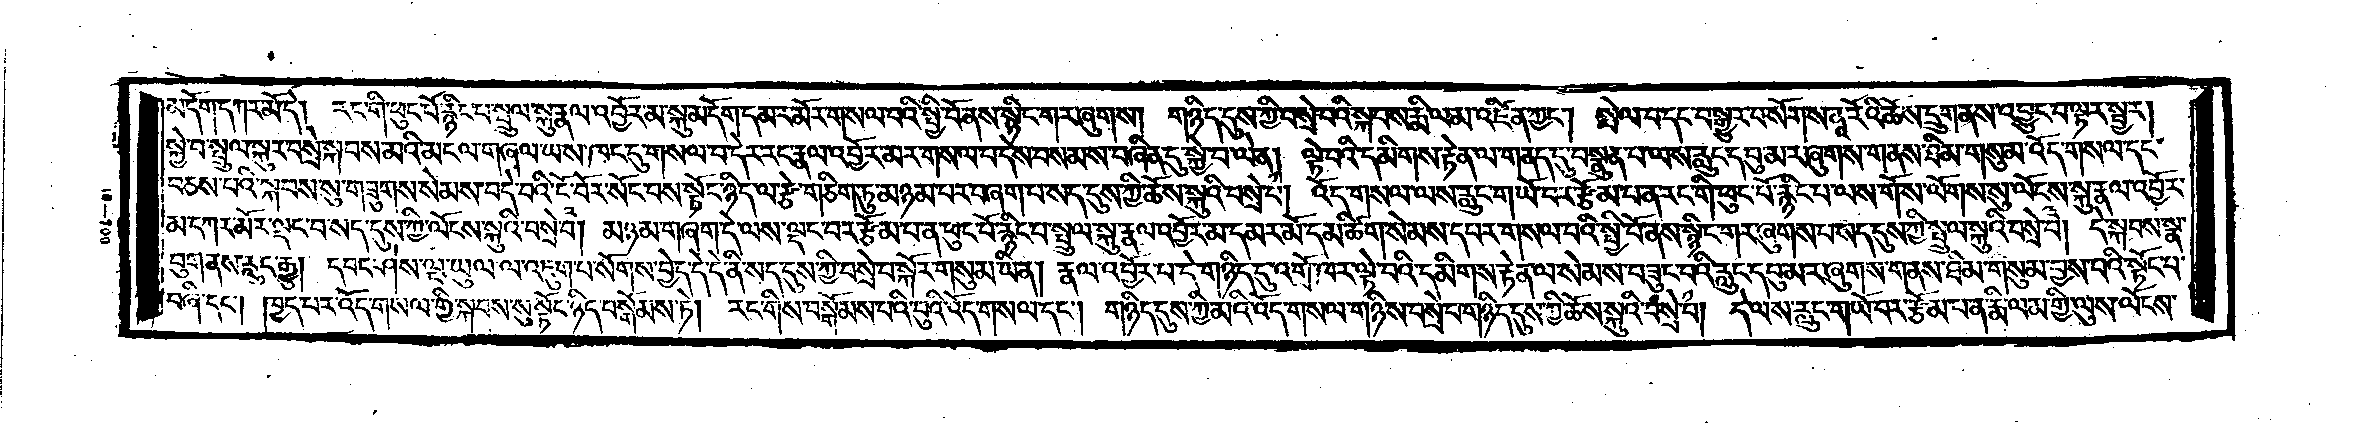མདོག་དཀར་མོ་དེ། རང་གི་ཕུང་པོ་རྙིང་པ་སྤྲུལ་སྐུ་རྣལ་འབྱོར་མ་སྐུ་མདོག་དམར་མོར་གསལ་བའི་སྤྱི་བོ་ནས་སྙིང་གར་ཞུགས། གཉིད་དུས་ཀྱི་བསྲེ་བའི་སྐབས་རྨི་ལམ་འཛིན་ཀྱང་། སྦེལ་བ་དང་བསྒྱུར་བ་སོགས་ནཱ་རོའི་ཆོས་དྲུག་ནས་འབྱུང་བ་ལྟར་སྦྱར།
སྐྱེ་བ་སྤྲུལ་སྐུར་བསྲེ་སྐབས་མའི་མངལ་གཞལ་ཡས་ཁང་དུ་གསལ་བདེར་རང་རྣལ་འབྱོར་མར་གསལ་བ་དེས་བསམས་བཞིན་དུ་སྐྱེ་བ་ལེན། ལྟེ་བའི་དམིགས་རྟེན་ལ་གནད་དུ་བསྣུན་པ་ལས་རླུང་དབུ་མར་ཞུགས་གནས་ཐིམ་གསུམ་འོད་གསལ་དང་
བཅས་པའི་སྐབས་སུ་གཟུགས་སེམས་བདེ་བའི་ངོ་བོར་སོང་བས་སྟོང་ཉིད་ལ་རྩེ་གཅིག་ཏུ་མཉམ་པར་བཞག་པ་སད་དུས་ཀྱི་ཆོས་སྐུའི་བསྲེ་བ། འོད་གསལ་ལས་རླུང་གཡོ་བར་རྩོམ་པ་ན་རང་གི་ཕུང་པོ་རྙིང་པ་ལས་གོ་ས་ལོགས་སུ་ལོངས་སྐུ་རྣལ་འབྱོར་
མ་དཀར་མོར་ལྡང་བ་སད་དུས་ཀྱི་ལོངས་སྐུའི་བསྲེ་བ། མཉམ་གཞག་དེ་ལས་ལྡང་བར་རྩོམ་པ་ན་ཕུང་པོ་རྙིང་པ་སྤྲུལ་སྐུ་རྣལ་འབྱོར་མ་དམར་མོ་དམ་ཚིག་སེམས་དཔར་གསལ་བའི་སྤྱི་བོ་ནས་སྙིང་གར་ཞུགས་པ་སད་དུས་ཀྱི་སྤྲུལ་སྐུའི་བསྲེ་བ། དེ་སྐབས་སྣ་
བུག་ནས་རླུང་རྒྱུ། དབང་ཤེས་ལྔ་ཡུལ་ལ་འཇུག་པ་སོགས་བྱེད་དེ་དེ་ནི་སད་དུས་ཀྱི་བསྲེ་བ་སྐོར་གསུམ་ཡིན། རྣལ་འབྱོར་བ་དེ་གཉིད་དུ་འགྲོ་ཁར་ལྟེ་བའི་དམིགས་རྟེན་ལ་སེམས་བཟུང་བའི་རླུང་དབུ་མར་ཞུགས་གནས་ཐིམ་གསུམ་བྱས་པའི་སྟོང་པ་
བཞི་དང་། ཁྱད་པར་འོད་གསལ་གྱི་སྐབས་སུ་སྟོང་ཉིད་བསྒོམས་ཏེ། རང་གིས་བསྒོམས་པའི་བུའི་འོད་གསལ་དང་། གཉིད་དུས་ཀྱི་མའི་འོད་གསལ་གཉིས་བསྲེ་བ་གཉིད་དུས་གྱི་ཆོས་སྐུའི་བསྲེ་བ། དེ་ལས་རླུང་གཡོ་བར་རྩོམ་པ་ན་རྨི་ལམ་གྱི་ལུས་ལོངས་